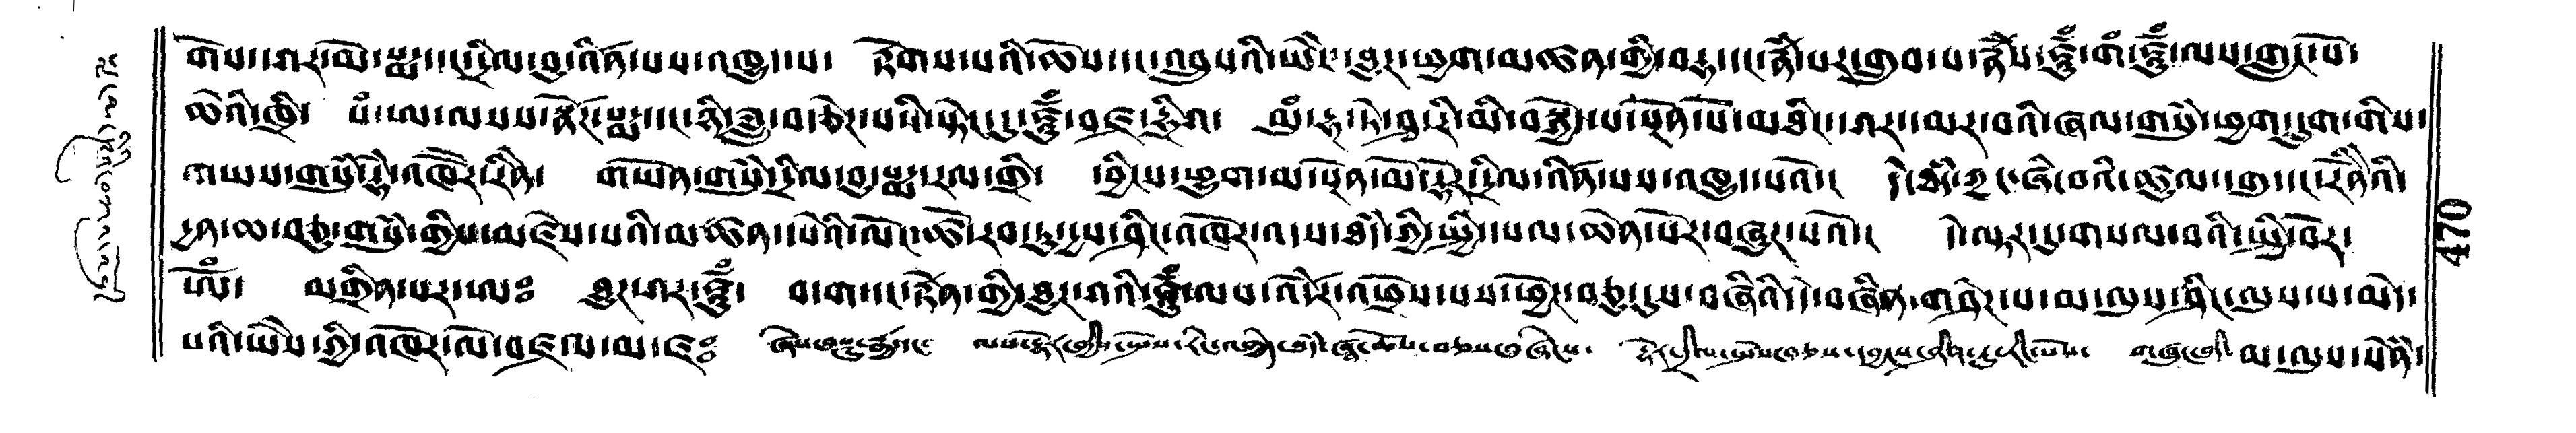གོས་དཀར་མོ་པདྨ་དང་དྲིལ་བུ་འཛིན་པས་འཁྱུད་པ། རྟོགས་པའི་ཆོས་དང་འབྲས་བུའི་ཡེ་ཤེས་ཐུགས་ཕྱག་མཚན་གྱི་བརྡ་དང་རྣམ་པར་གྲུབ་པ་རྣམས་ཧཱུྃ་གཾ་ཧཱུྃ་ལས་གླང་པོ་
ཆེའི་ཁྲི། པཾ་ཨ་ལས་སྣ་ཚོགས་པདྨ་དང་ཉི་ཟླ་བརྩེགས་པའི་སྟེང་དུ་ཧཱུྃ་བཛྲ་དྷྲིཀ མུཾ་དྷཱ་ཏེ་ཤྭ་རི་མི་བསྐྱོད་པ་སྔོན་པོ་མཐིང་དཀར་དམར་བའི་ཞལ་གསུམ་ཕྱག་དྲུག་གིས་
གཡས་གསུམ་རྡོ་རྗེ་འཁོར་ལོ་རིན་པོ་ཆེ། གཡོན་གསུམ་དྲིལ་བུ་པདྨ་རལ་གྲི། དབྱིངས་ཕྱུག་མ་སྔོན་མོ་རྡོར་དྲིལ་འཛིན་པས་འཁྱུད་པའོ། དེ་ཐམས་ཅད་ཀྱང་ཞི་བའི་ཚུལ་དགུ་དང་རིན་པོ་ཆེའི་
རྒྱན་ཆ་བཅུ་གསུམ་གྱིས་མཛེས་པའི་མཚན་དཔེའི་ལང་ཚོ་རབ་ཏུ་རྒྱས་ཤིང་འཁོར་འདས་ཐམས་ཅད་ཀྱི་སྤྱི་དཔལ་ཆེན་པོར་བཞུགས་པའོ། དེ་ལྟར་དུ་གསལ་བའི་སྤྱི་བོར་
ཨོཾ། མགྲིན་པ་ཨཿ ཐུགས་ཀར་ཧཱུྃ། བདག་དང་རྟེན་གྱི་ཐུགས་ཀའི་ཧཱུྃ་ལས་འོད་ཟེར་འཕྲོས་པས་ཕྱོགས་བཅུ་དུས་བཞིའི་དེ་བཞིན་གཤེགས་པ་མ་ལུས་ཤིང་ལུས་པ་མེད་
པའི་ཡེ་ཤེས་ཀྱི་འཁོར་ལོ་བཛྲ་ས་མ་ཛཿ ཞེས་བསྡུ་རྒྱ་དང་། ལས་རྡོར་གྱིས་སྤོས་རེང་འགྱེད། ཐམས་ཅད་ཞྭ་ཆོས་བཅས་བཞེངས། རྡོར་དྲིལ་སྤོས་བཅས་དབྱངས་ཤིན་ཏུ་རིང་པོས། གཞུང་གི་མ་ལུས་སེམས་ཅན་